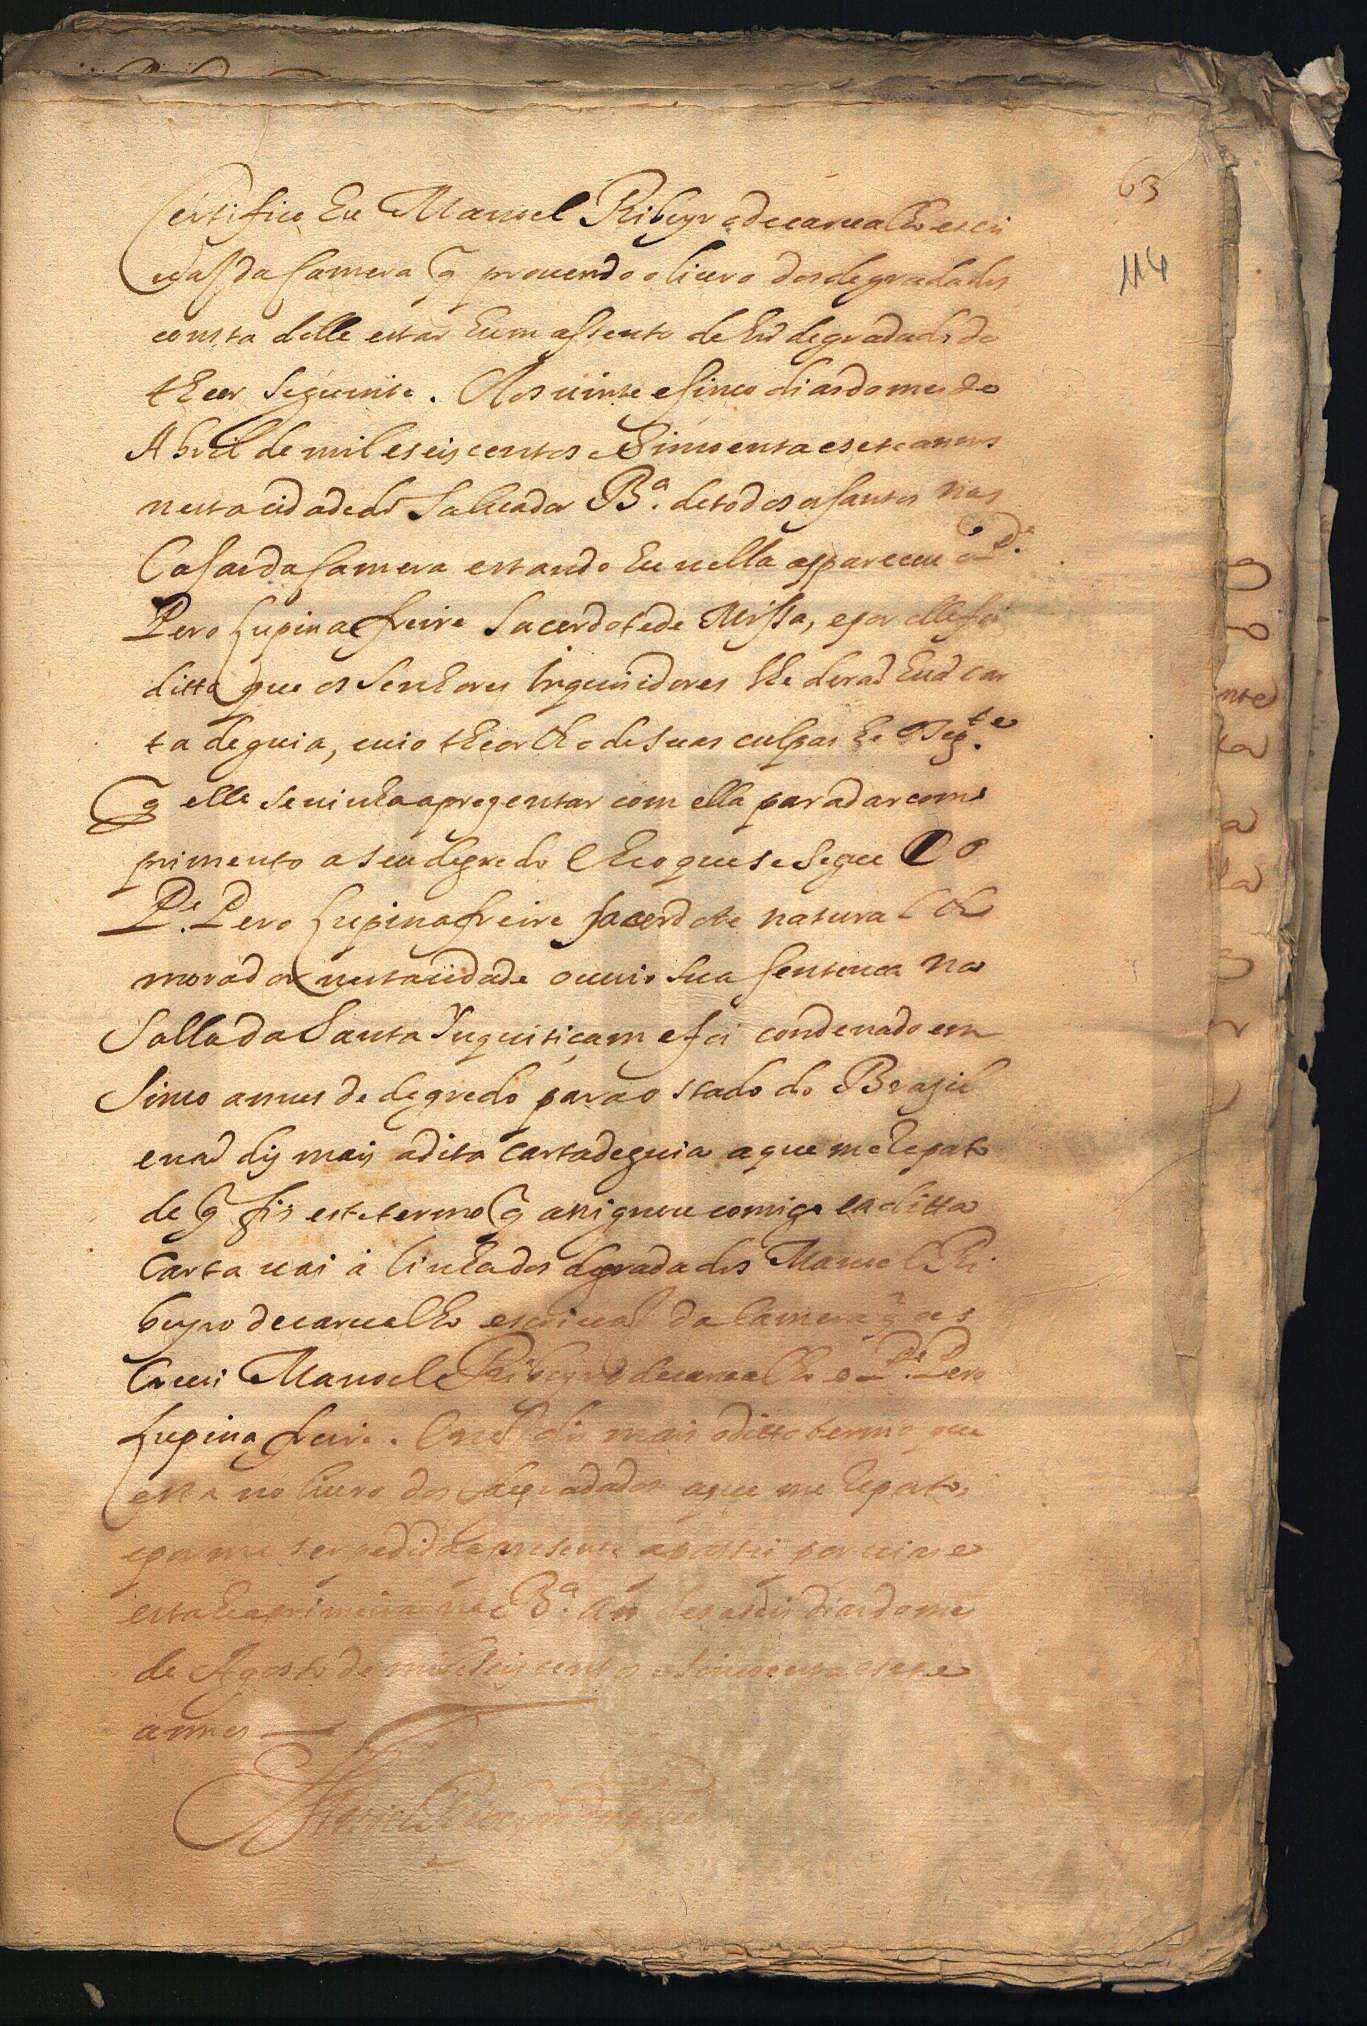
63
Certifico Eu Manoel Ribeyro de carualho escri
uaꝭ da Camera q̄ prouendo o liuro dos degradados
consta delle estar hum assento de hū degradado de
theor seguinte. Aos uinte e sinco dias do mes de
Abril de mil e seiscentos e Sincoenta e sete annos
nesta cidade do Saluador B.a de todos os santos nas
Casas da Camera estando Eu nella apareceu o L.do
Pero Lupina freire Sacerdote de Missa, e por elle foi
ditto que os Senhores Inquisidores lhe deraõ huā car
ta de guia, cuio theor &c de suas culpas he o seg.te
q̄ elle se uinha aprezentar com ella para dar com
primento a seu degredo e he o que se segue ⁋ o
P.e Pero Lupina freire sacerdote natural &
morador nesta cidade ouuio sua sentença na
Salla da Santa Ynquisiçam e foi condenado em
Sinco annos de degredo para o stado do Brazil
e naõ dis mais a dita carta de guia a que me Reporto
de q̄ fis este termo q̄ assignou comigo e a ditta
carta uai a linha dos degradados Manoel Ri
beyro de carualho escriuaꝭ da Camera q̄ es
Creui Manoel Ribeyro de carualho o P.e Pero
Lupina freire. E nā dis mais o ditto termo que
esta no liuro dos degradados a que me Reporto,
e por me ser pedida a presente a passei por uia e
esta he a primeira na Ba. aos desaseis dias do mes
de Agosto de mil e seiscentos e sincoenta e sete
annos
Manoel Rybeiro de carualho
